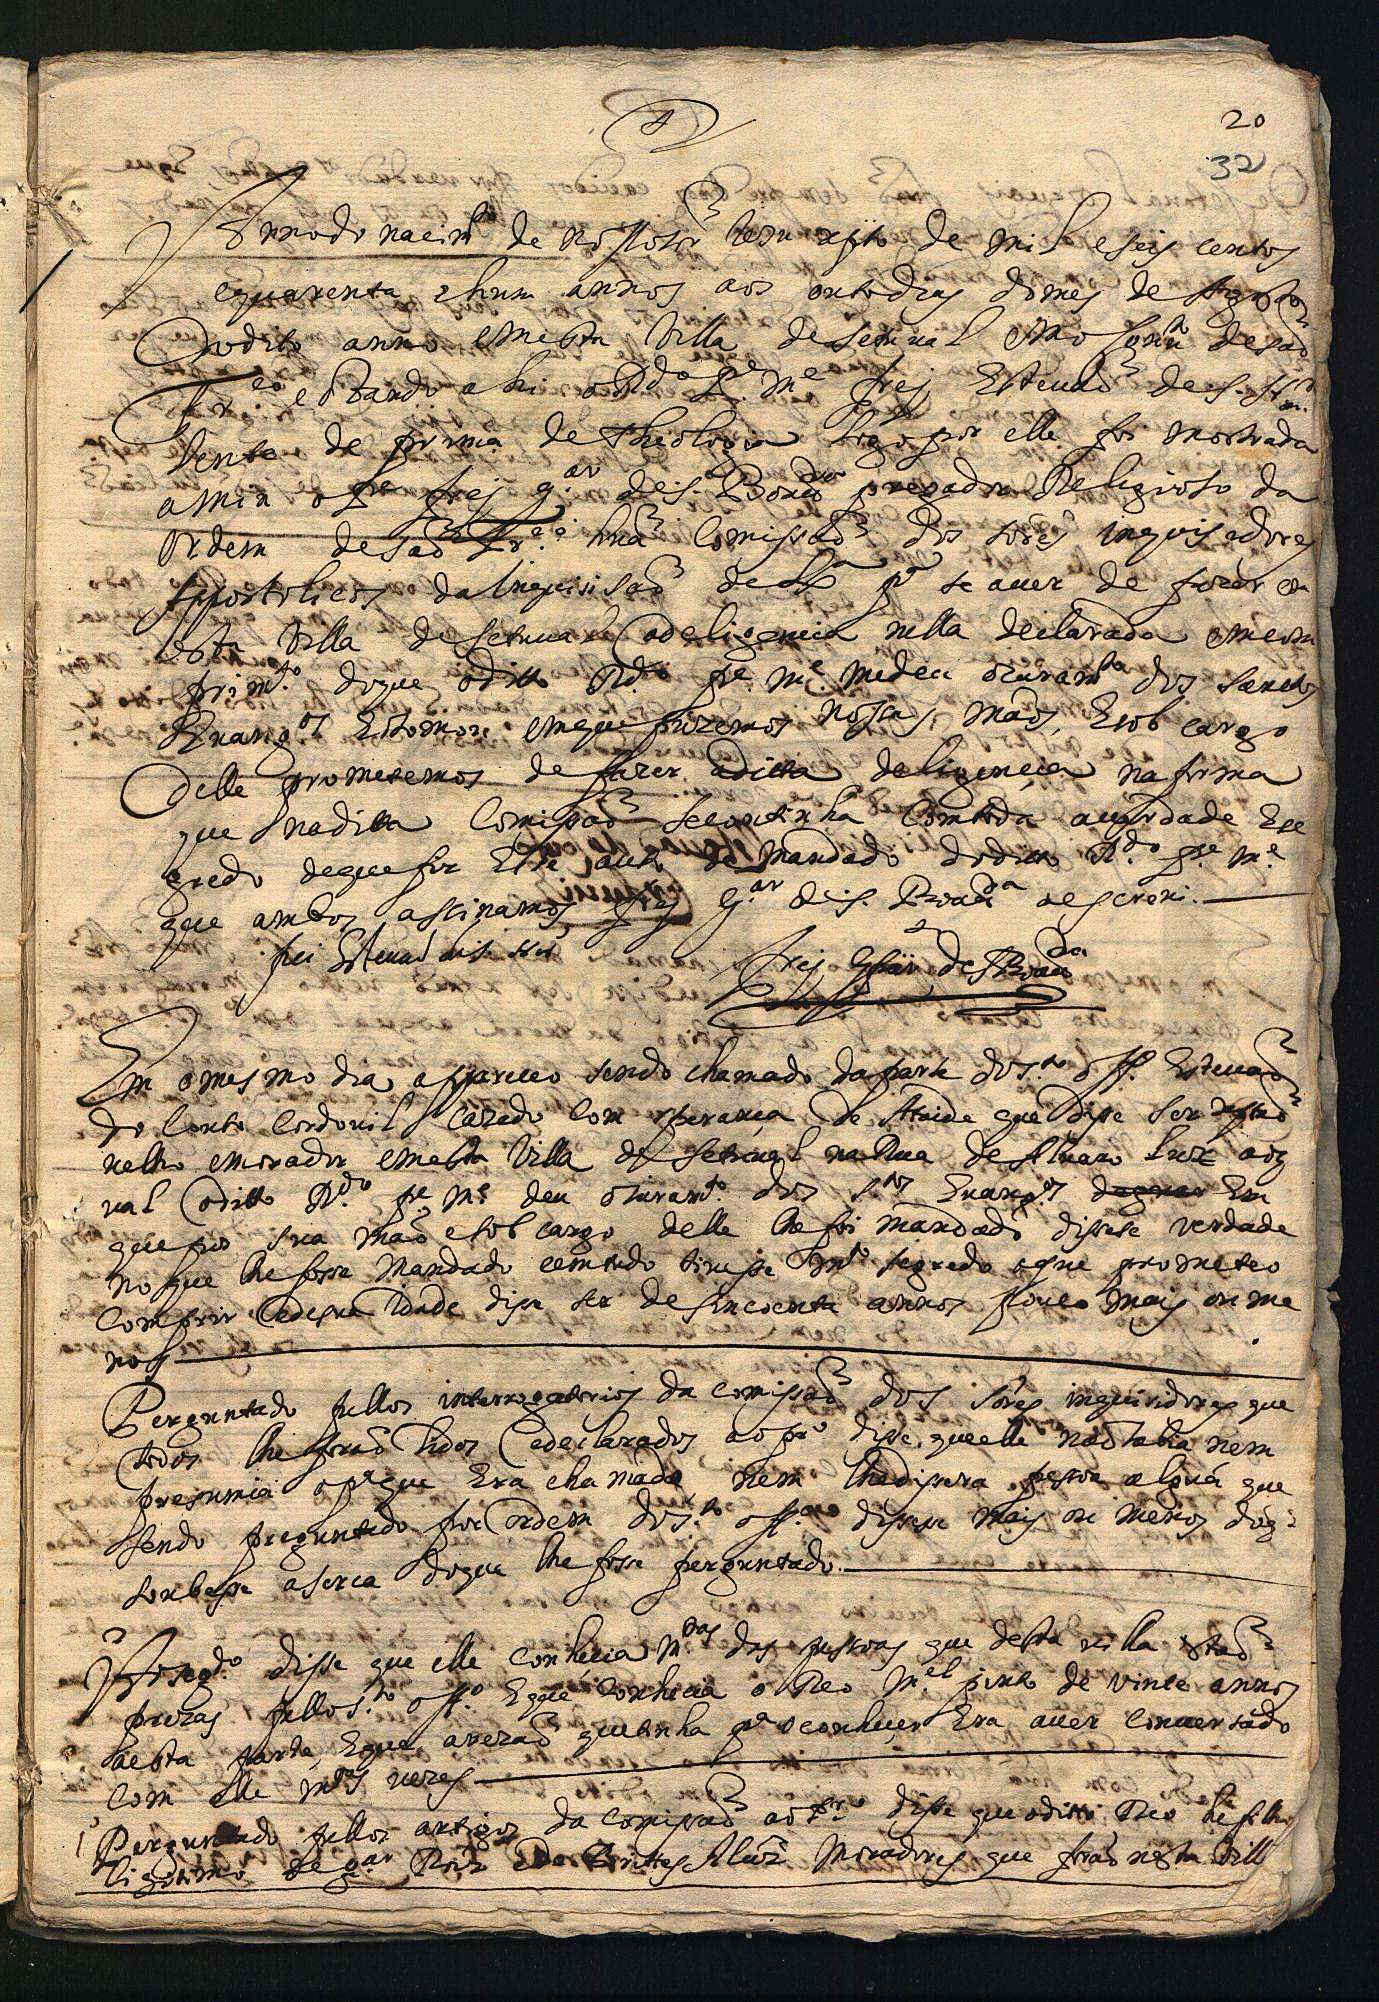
Anno do nacimto de nosso srō Iesu xpto de mil e seiscentos
e quarenta e hum annos aos outo dias do mes de Agosto
do dito anno em esta Villa de setuual em o Conuto de são
Fr.co estando ahi o Rdo Pe Me frej Esteuaõ de S. H.
lente de prima de Theologia logo por elle foi mostrada
a min o p.e frej g.ar de s. Boaura pregador Religioso da
Ordem de saõ Fr.co huā Comissaõ dos sorēs inquisidores
Appostolicos da Inquisisaõ de Lxa pa se auer de fazer em
esta Villa de Setuual a deligencia nella declarada em com
prim.to do que o ditto R.do pe. me. me deu o iuramto dos sanctos
Euang.os E o tomou em que puzemos nossas mãos, E sob cargo
delle prometemos de fazer a ditta deligençia na forma
que na ditta Comissão se continha com toda a uerdade E se
gredo de que fiz Este auto de mandado do ditto R.do p.e m.e
que ambos assinamos frej G.ar de s. Boaura o escreui.
Em o mesmo dia appareceo sendo chamado da parte do s.to off.o Esteuaõ
do Couto Cordouil cazado com sperança de Ataide que disse ser xptão
uelho e morador em esta Villa de Setuual na Rua de Aluaro Lux ao q
ual o ditto R.do p.e m.e deu o iuramto. dos s.tos Euang.os deguar Em
que pus sua maõ e sob cargo delle lhe foi mandado dissese verdade
no que lhe fosse Mandado e em tudo tiuesse mto segredo o que prometeo
comprir e de sua Idade disse ser de sincoenta annos pouco mais ou me
nos
Perguntado pellos interrogatorios da comissaõ dos sorēs inquisidores que
todos lhe foraõ lidos e declarados ao pro disse que elle naõ sabia nem
presumia o pa que Era chamado, nem lhe dissera pessoa alguā que
sendo preguntado por ordem do s.to off.o dissesse mais ou menos do q̄
soubesse aserca do que lhe fosse perguntado.
Ao seg.do disse que elle conheçia m.tas das pessoas que desta villa estaõ
prezas pello s.to off.o E que conhecia o Reo M.el pinho de vinte annos
a esta parte, E que a rezaõ que tinha pa o conheçer Era auer conuersado
com elle mtas uezes
Perguntado pellos artigos da comissaõ ao p.ro disse que o ditto Reo he filho
ligitimo de g.ar Roiz̄ e de Brittes Aluz̄ Moradores que foraõ nesta Vill
